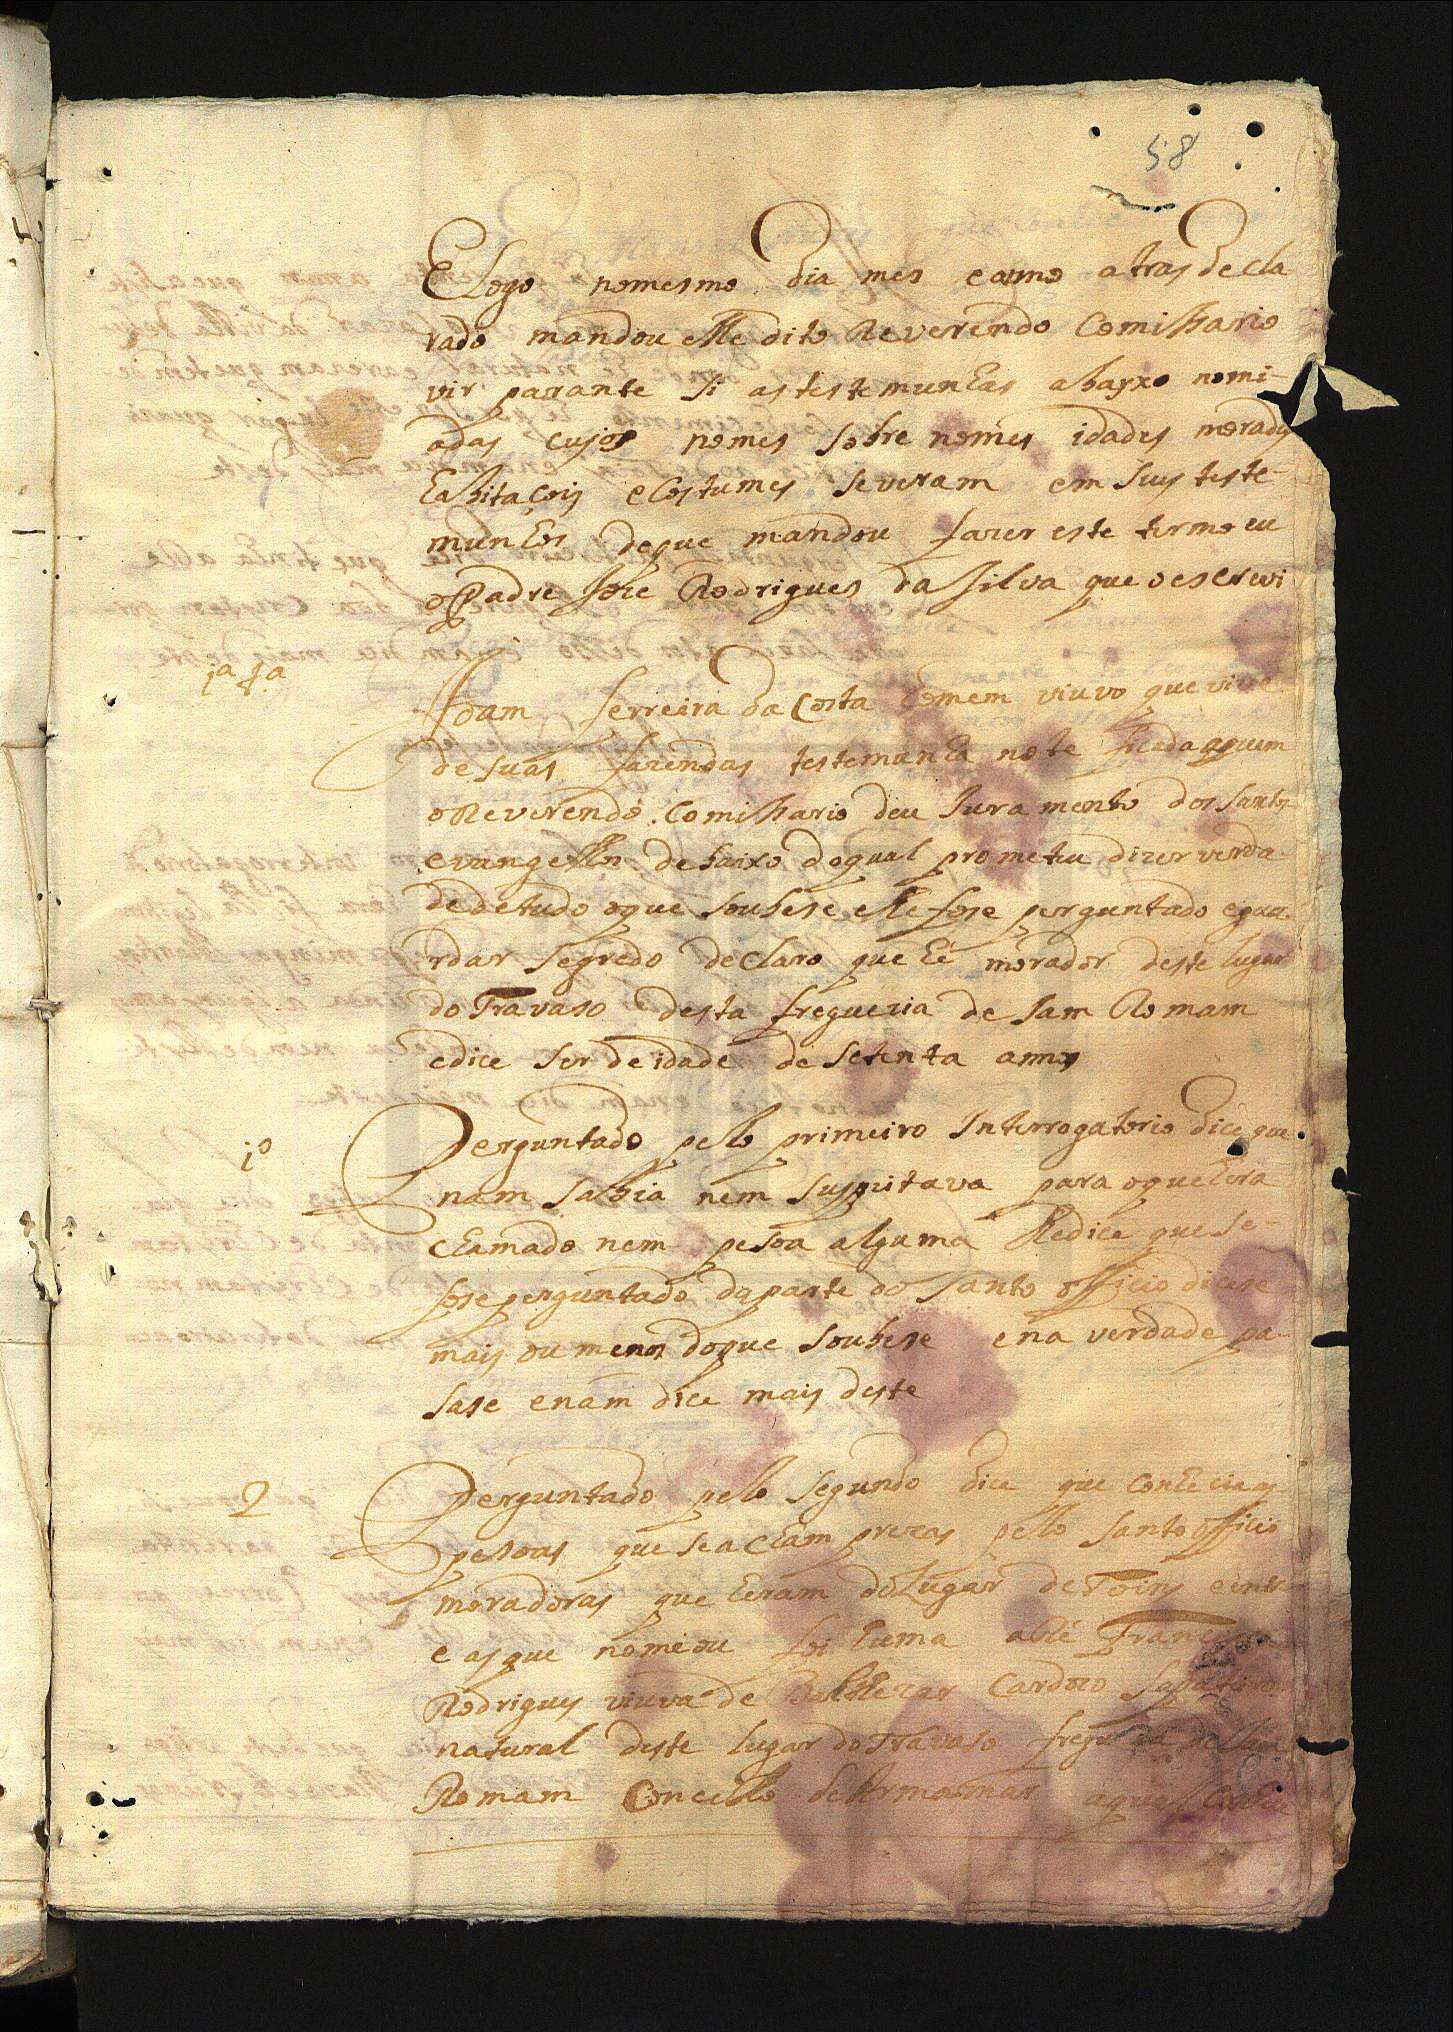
E Logo no mesmo dia mes e anno atras decla
rado mandou elle dito Reverendo Comissario
vir parante si as testemunhas abayxo nomi
adas cujos nomes sobrenomes idades morada_
habitaçois e costumes se ueram em seus teste
munhos de que mandou fazer este termo eu
o Padre Joze Rodrigues da Silva que o escrevi
Joam ferreira da Costa homem uiuvo que uive
de suas fazendas testemunha noteficada a quem
o Reverendo Comissario deu Iuramento dos Santos
evangelhos debaixo do qual prometeu dizer verda
de de tudo o que soubese e lhe fose perguntado e gua
rdar segredo declaro que hé morador deste lugar
do Travaso desta freguezia de Sam Romam
e dice ser de idade de setenta annos
Perguntado pelo primeiro Interrogatorio dice que
nam sabia nem suspeitava para o que hera
chamado nem pesoa alguma lhe dice que se
fose perguntado da parte do Santo officio dicese
mais ou menos do que soubese e na verdade pa
sase e nam dice mais deste
Perguntado pelo Segundo dice que conhecia as
pessoas que se acham prezas pello Santo officio
moradoras que heram do Lugar de Toins e entr
e as que nomeou foi huma a Ré Franci_
Rodrigues viuva de Balthezar Cardozo Sapa_
natural deste lugar do Travaso freg_ de sam
Romam Concelho de Armamar a qual _
